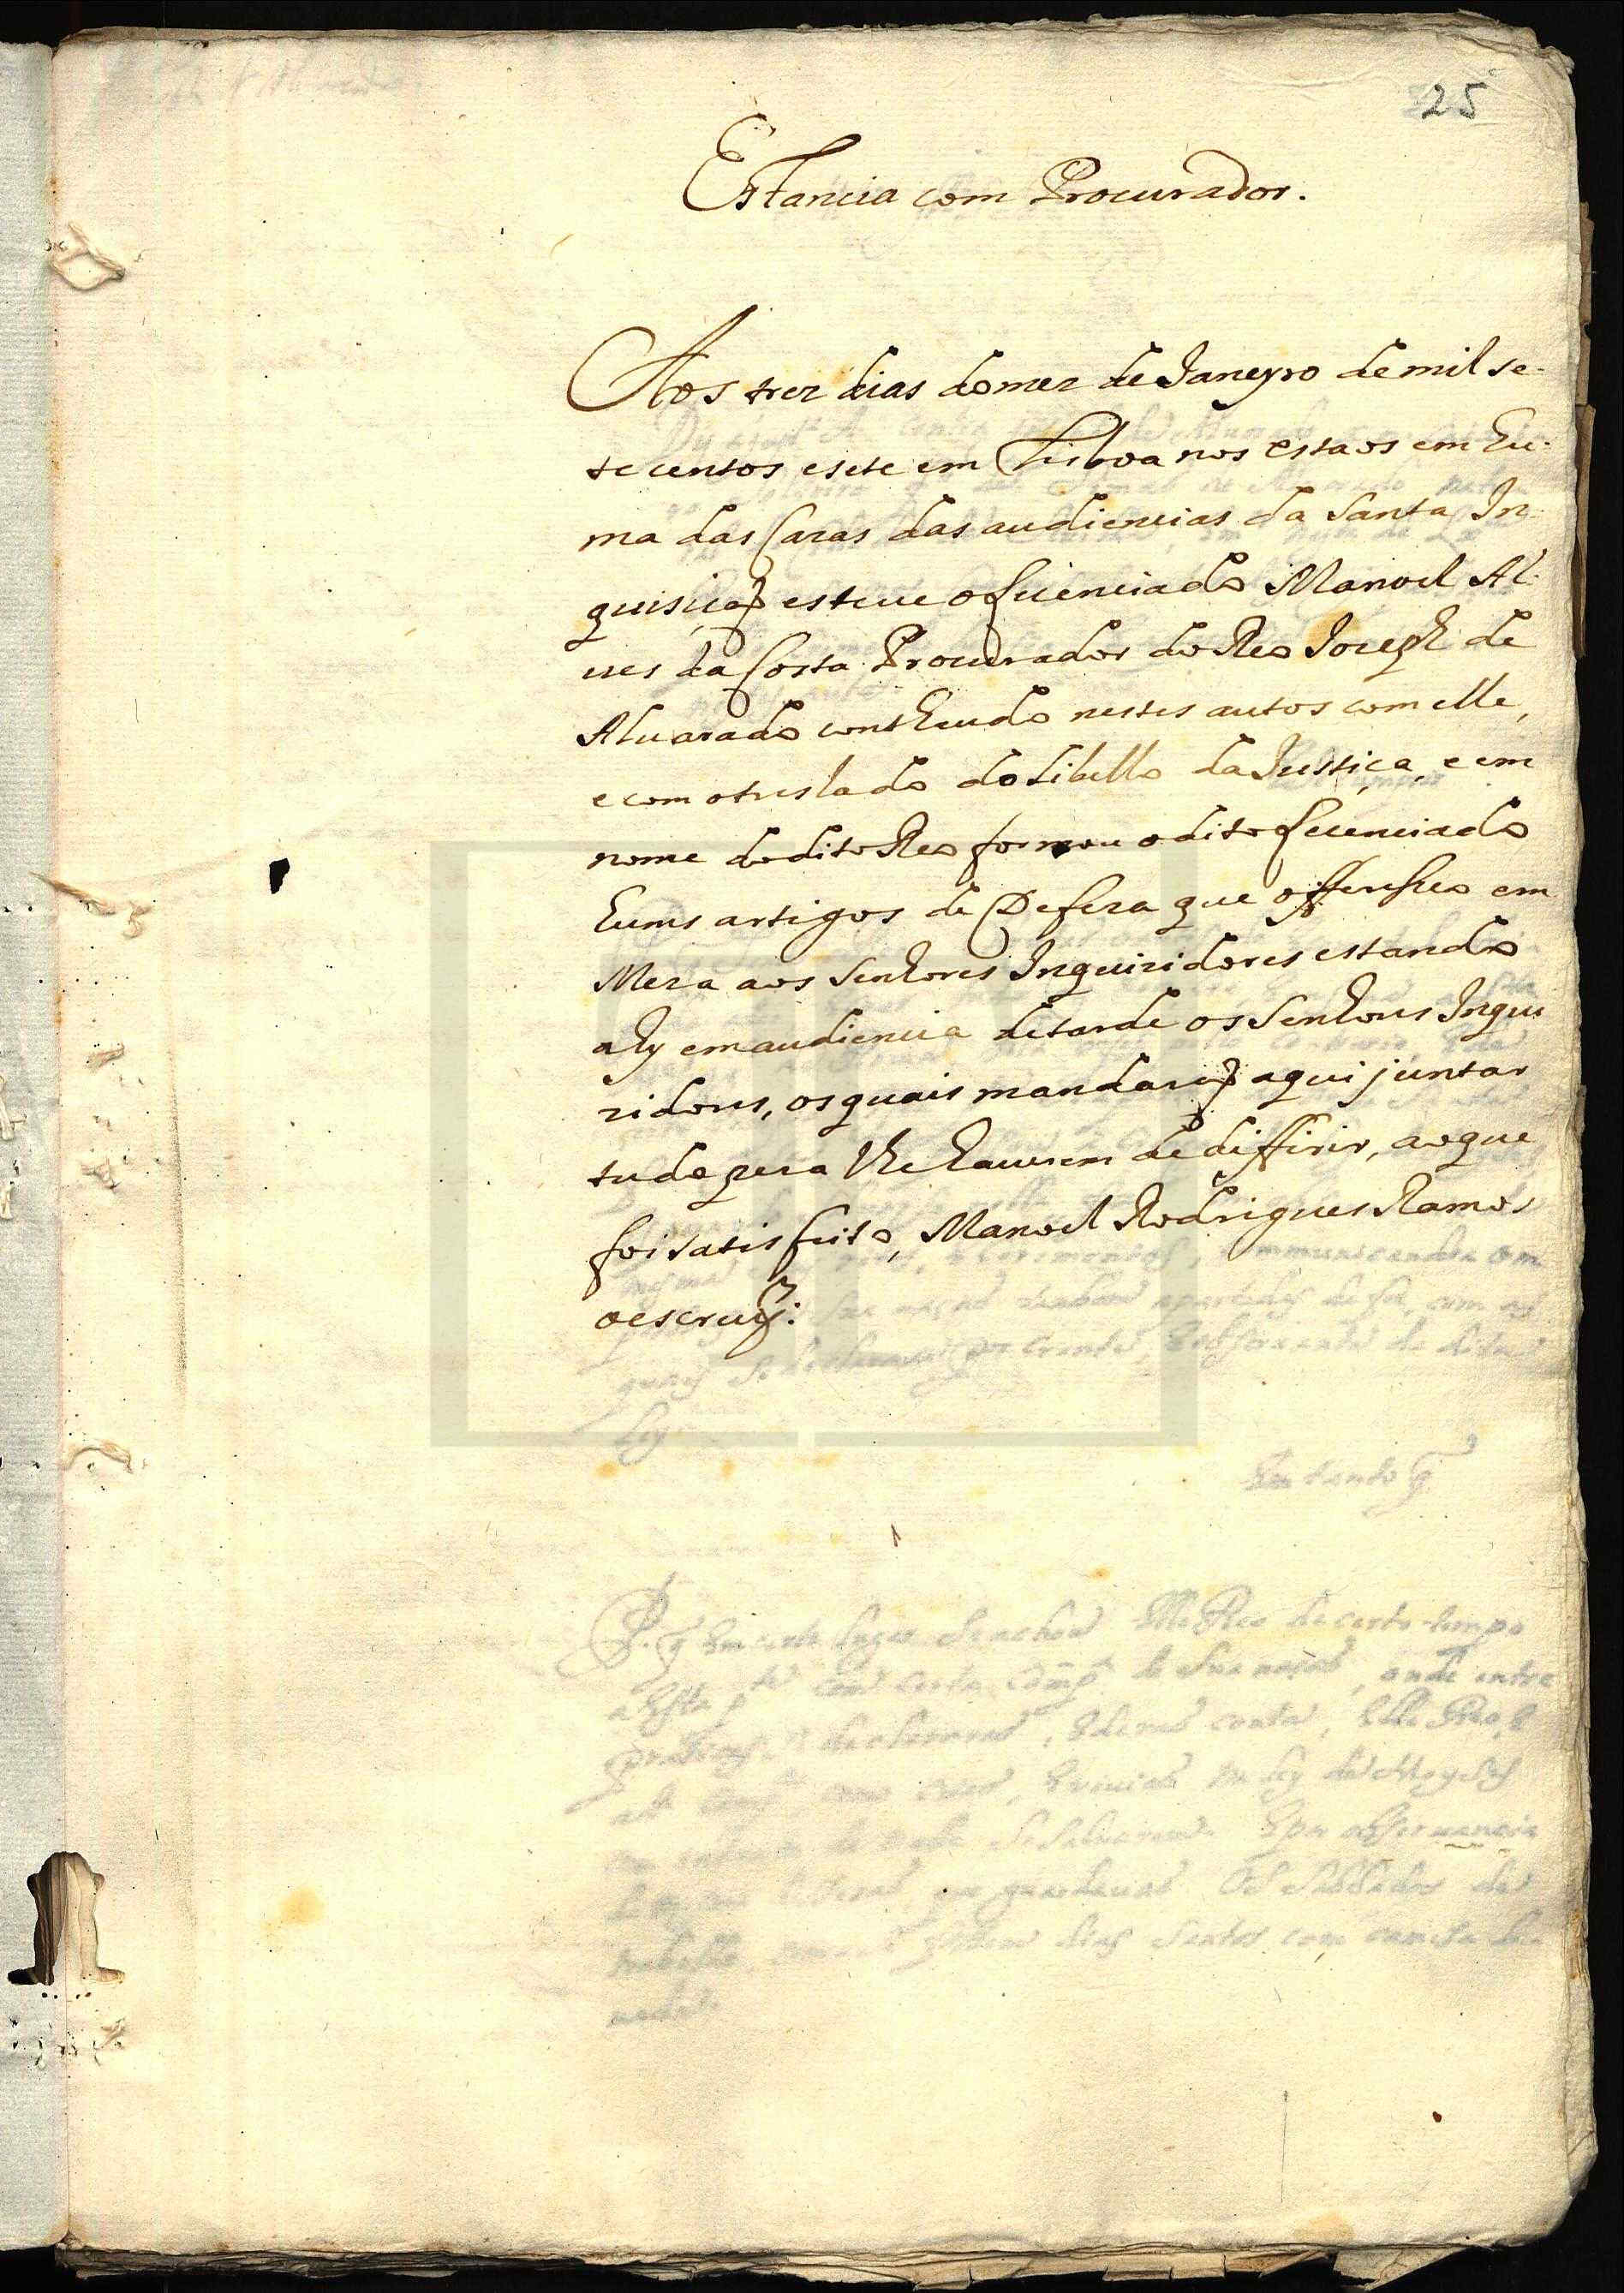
Estancia com Procurador.
Aos trez dias do mez de Ianeyro de mil se
tecentos e sete em Lisboa nos estaos em hu
ma das Cazas das audiencias da Santa In
quisiçaõ esteue o Licenciado Manoel Al
ues da Costa Procurador do Reo Iozeph de
Aluarado contheudo nestes autos com elle,
e com o treslado do Libello da Iustiça, e em
nome do dito Reo formou o dito Lecenciado
hums artigos de Defeza que offeresseo em
Meza aos Senhores Inquizidores estando
ahy em audiencia de tarde os Senhores Inqui
zidores, os quais mandaraõ aqui juntar
tudo pera lhe hauerem de diffirir, ao que
foi satisfeito, Manoel Rodrigues Ramos
o escreuy:
